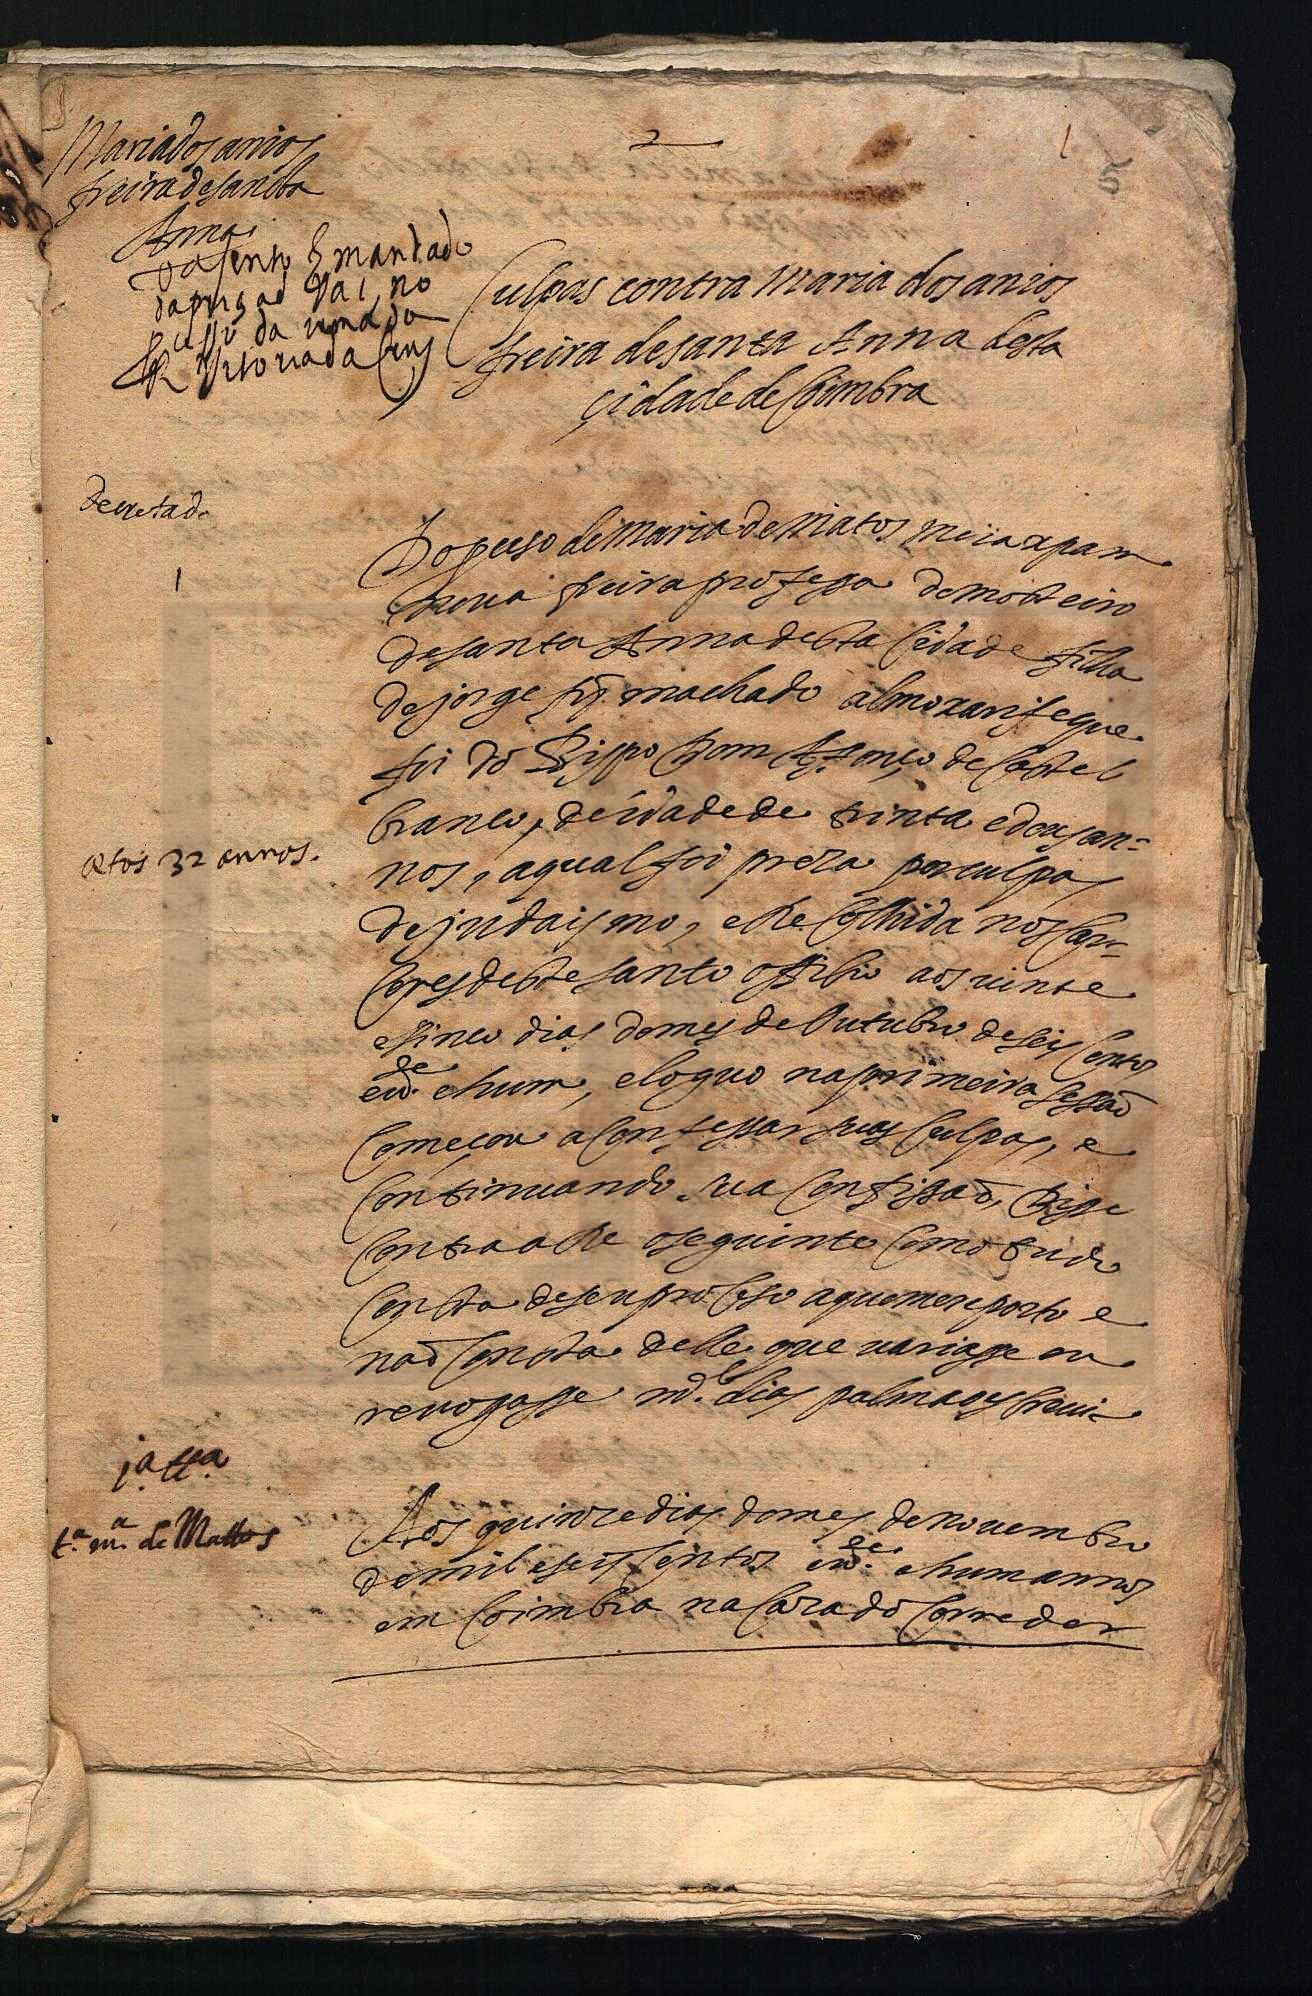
Culpas contra maria dos anios
freira de santa Anna desta
çidade de Coimbra
Do ꝓceso de maria de matos meia xpam
noua freira professa do mosteiro
de santa Anna desta Cidade filha
de jorge frz̅ machado almoxarife que
foi do Bispo Dom Affonço de Castel
branco, de idade de trinta e dous an
nos, a qual foi preza por culpas
de judaismo, e Recolhida nos Car
Ceres deste santo officio aos uinte
e sinco dias do mes de Outubro de seisCentos
e ute. e hum, e loguo na primeira sessão
Começou a Confessar suas Culpas, e
Continuando sua Confissão, Disse
Contra a Re o seguinte Como tudo
Consta de seu proCeso a que me reporto e
não Consta delle que uariasse ou
reuogasse mel. dias palma o escreui
Aos quinze dias do mes de nouembro
de mil e seisCentos e ute. e hum annos
em Coimbra na Caza do Corredor
